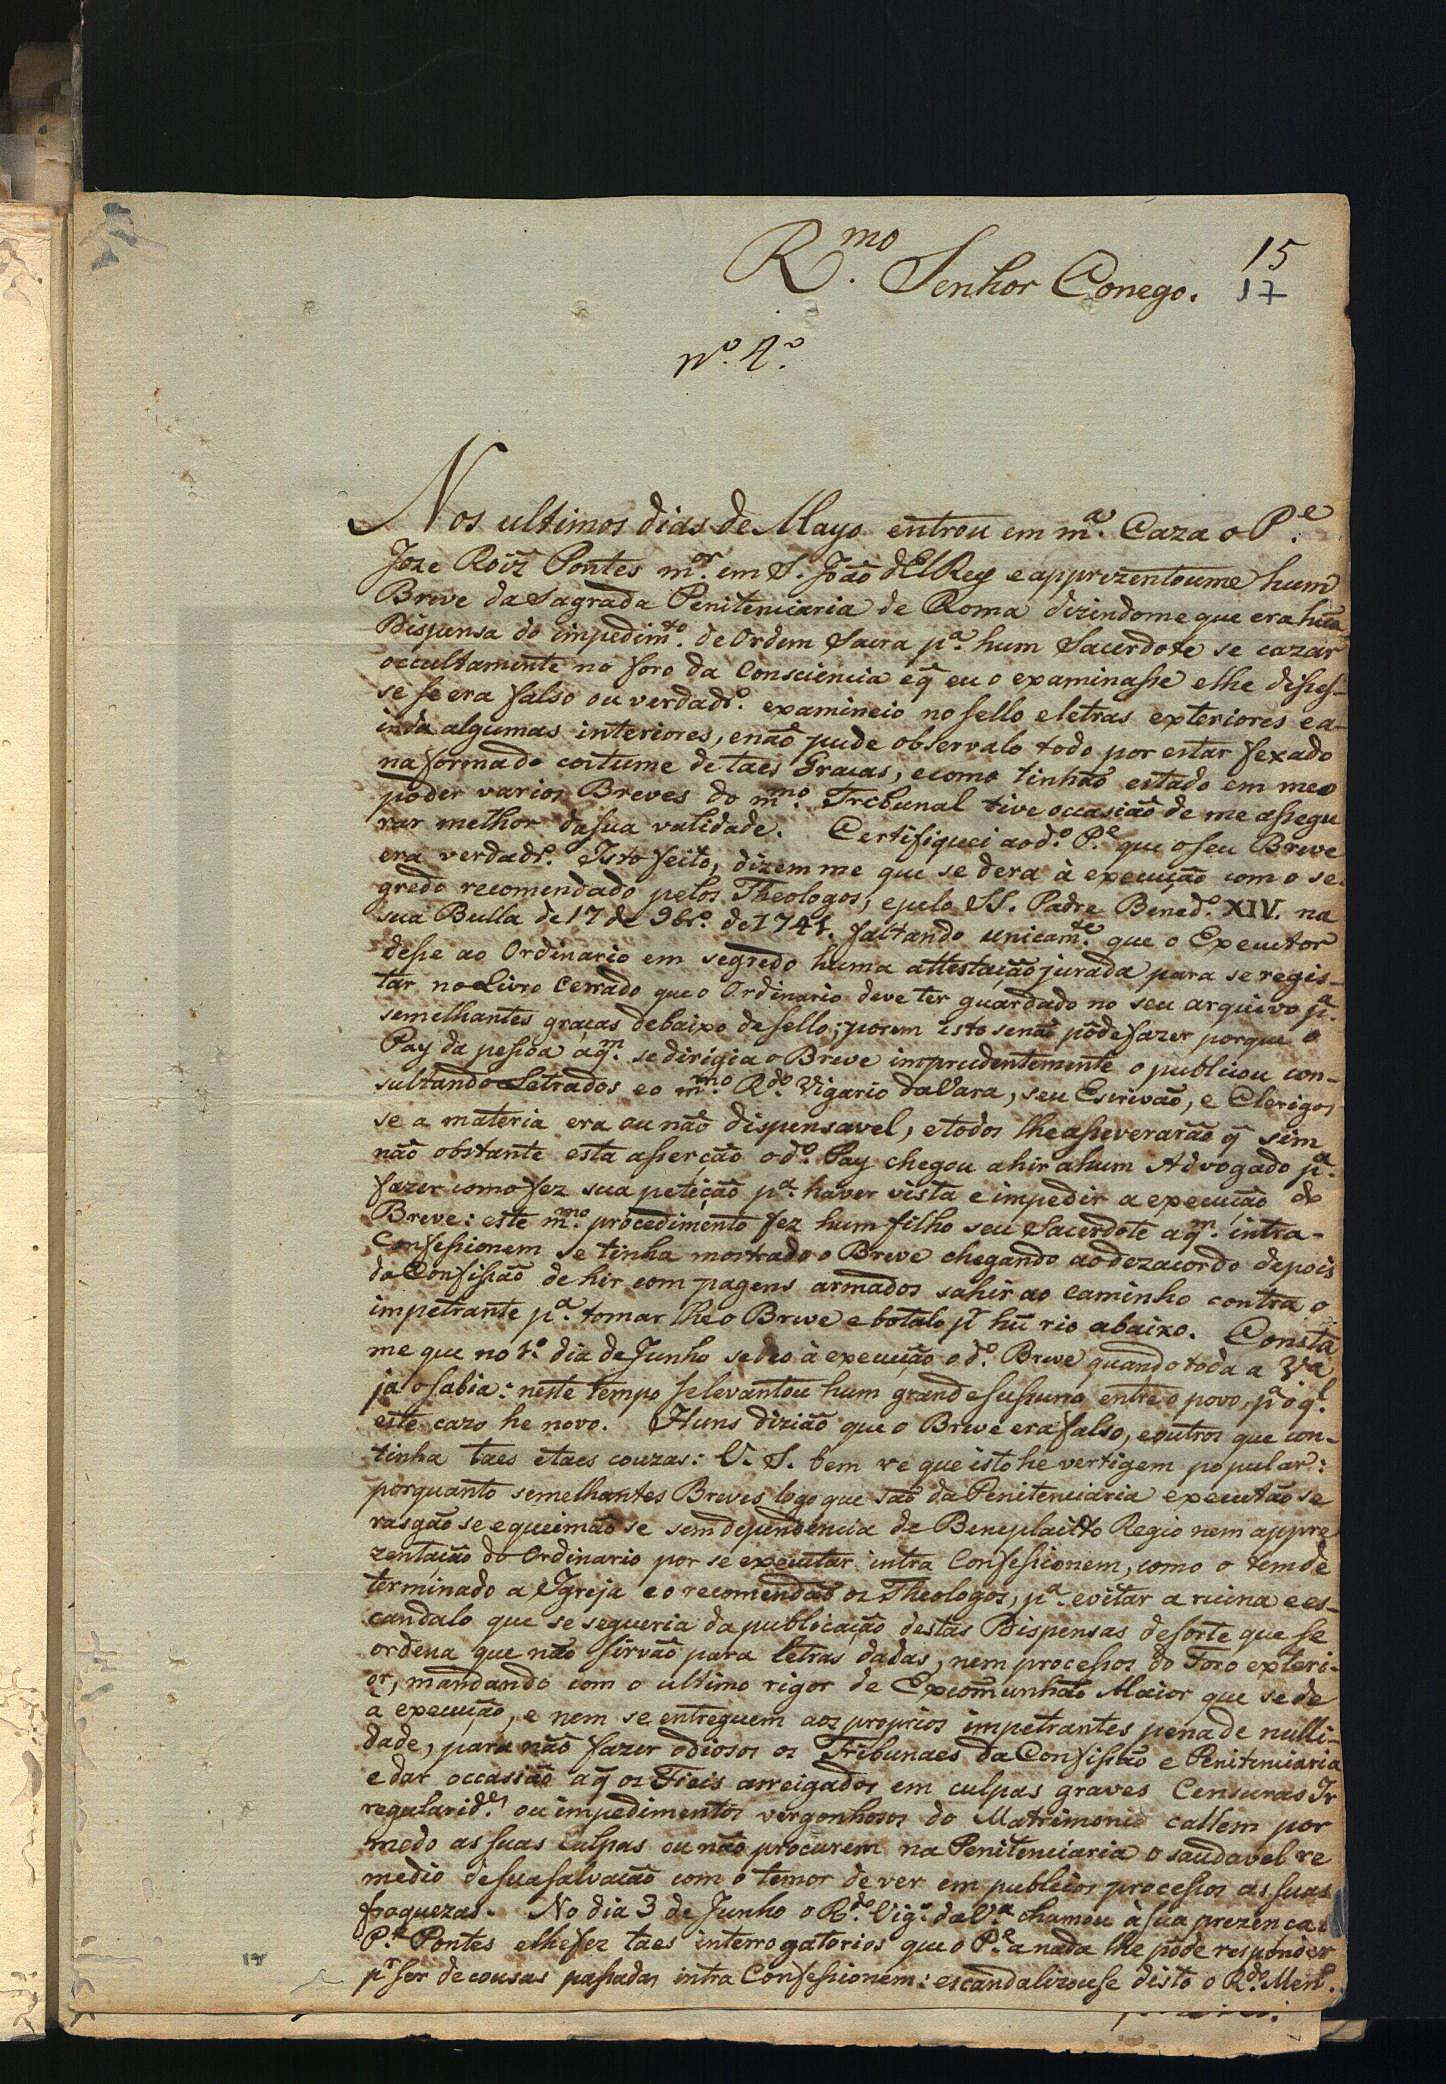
15
17
R.mo Senhor Conego.
n.o 4.o
Nos ultimos dias de Mayo entrou em ma. Caza o P.e
Joze Roiz̄ Pontes m.or em S. Joâo dEl Rey e apprezentoume hum
Breve da Sagrada Penitenciaria de Roma dizendome que era hūa
Dispensa do impedimto. de Ordem Sacra pa. hum Sacerdote se cazar
occultamente no foro da conscienia e q̄ eu o examinasse e lhe disses
se se era falso ou verdadr.o examineio no sello e letras exteriores e a
inda algumas interiores, e não pude observalo todo por estar fexado
na forma do costume de taes Graças, e como tinhão estado em meo
poder varios Breves do mmo. Tribunal tive occasiaô de me assegu
rar melhor da sua validade. Certifiquei ao d.o P.e que o seu Breve
era verdadr.o Isto feito, dizemme que se dera à execução com o se
gredo recomendado pelos Theologos, e pelo SS. Padre Bened.o XIV. na
sua Bulla de 17 de 9br.o de 1741. faltando unicamte. que o Executor
desse ao Ordinario em segredo huma attestação jurada para se regis
tar no Livro cerrado que o Ordinario deve ter guardado no seu arquivo pa.
semelhantes graças debaixo de sello; porem isto senão pôde fazer porque o
Pay da pessoa a qm. se dirigia a Breve imprudentemente o publicou con
sultando Letrados e o mmo. Rdo. Vigario da Vara, seu Escrivão, e Clerigos
se a materia era ou não dispensavel, e todos lheasseverarão q̄ sim
não obstante esta asserção o d.o Pay chegou a hir a hum Advogado pa.
fazer como fez sua petição pa. haver vista e impedir a execução do
Breve: este mmo. procedimento fez hum filho seu Sacerdote a qm. intra
confessionem se tinha mostrado o Breve chegando ao dezacordo depois
da Confissão de hir com pagens armados sahir ao caminho contra o
impetrante pa. tomar lhe o Breve e botalo pr hū rio abaixo. Consta
me que no 1.o dia de Junho se deo à execução o d.o Breve quando toda a V.a
ja o sabia: neste tempo se levantou hum grande sussurro entre o povo, pa o ql.
este cazo he novo. Huns dizião que o Breve era falso, e outros que con
tinha taes e taes couzas: V. S. bem ve que isto he vertigem popular:
porquanto semelhantes Breves logo que são da Penitenciaria executão se
rasgão se e queimão se sem dependencia de Beneplacito Regio nem appr
zentação do Ordinario por se executar intra Confessionem, como o tem de
terminado a Igreja e o recomendão oz Theologos, pa. evitar a ruina e es
candalo que se segueria da publicação destas Dispensas de sorte que se
ordena que não sirvâo para letras dadas, nem processos do Foro exteri
or, mandando com o ultimo rigor de Excom̄unhão Maior que se de
à execução, e nem se entreguem aos proprios impetrantes pena de nulli
dade, para não fazer odiosos os Tribunaes da Confissaõ e Penitenciaria
e dar occasiaõ a q̄ oz Fieis arreigados em culpas graves censuras Ir
regularid.es ou impedimentos vergonhosos do Matrimonio callem por
medo as suas culpas ou não procurem na Penitenciaria o saudavel re
medio de sua salvacão com o temor de ver em publicos processos as suas
fraquezas. No dia 3 de Junho o R.do Vig.o da V.a chamou à sua prezença_
P.e Pontes e lhe fez taes interrogatorios que o P.e a nada lhe pôde responder
pr ser de cousas passadas intra confessionem: escandalizouse disto o R.do Men.o
